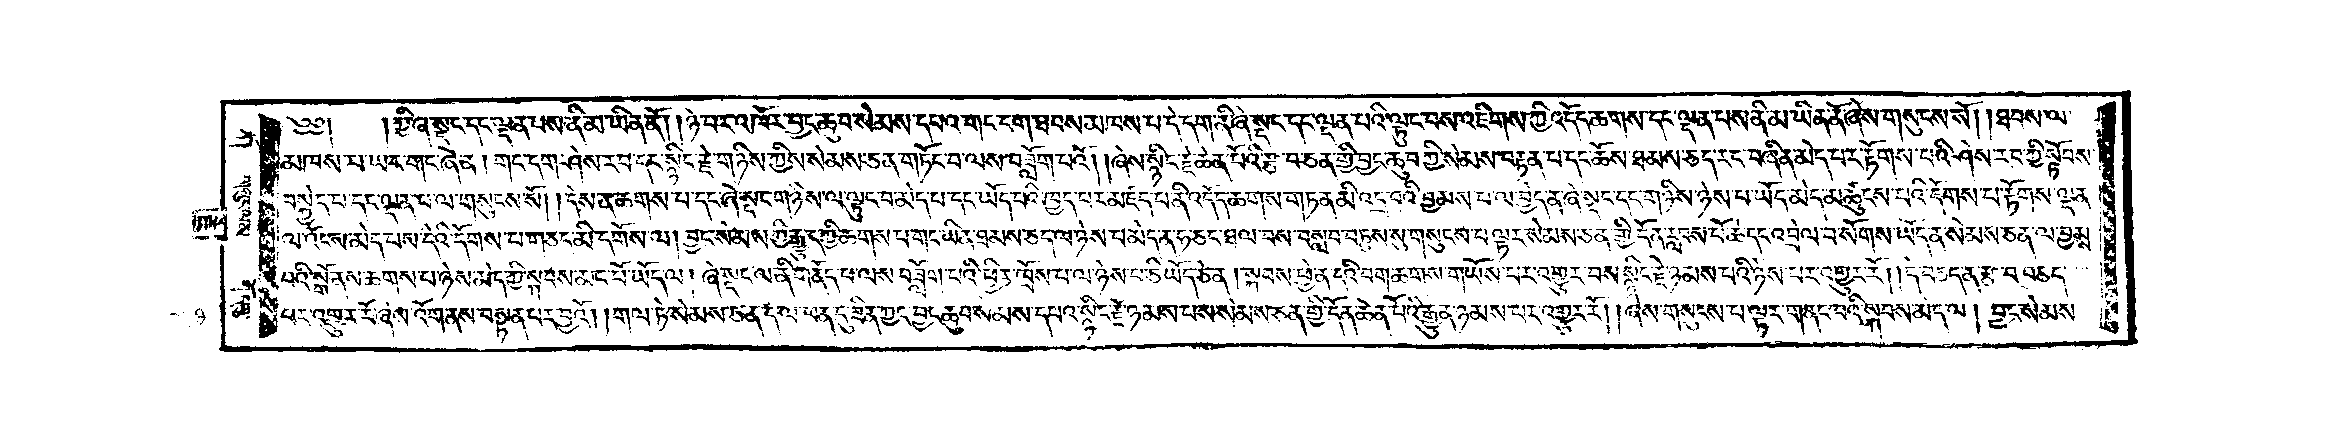༄༅། །ཀྱི་ཞ་སྡང་དང་ལྡན་པས་ནི་མ་ཡིན་ནོ། །ཉེ་བར་འཁོར་བྱང་ཆུབ་སེམས་དཔའ་གང་དག་ཐབས་མཁས་པ་དེ་དག་ནི་ཞེ་སྡང་དང་ལྡན་པའི་ལྟུང་བས་འཇིགས་ཀྱི་འདོད་ཆགས་དང་ལྡན་པས་ནི་མ་ཡིན་ནོ་ཞེས་གསུངས་སོ། །ཐབས་ལ་
མཁས་པ་ཡང་གང་ཞེ་ན། གང་དག་ཤེས་རབ་དང་སྙིང་རྗེ་གཉིས་ཀྱིས་སེམས་ཅན་གཏོང་བ་ལས་བཟློག་པའོ། །ཞེས་སྙིང་རྗེ་ཆེན་པོའི་རྩ་བ་ཅན་གྱི་བྱང་ཆུབ་ཀྱི་སེམས་བརྟན་པ་དང་ཆོས་ཐམས་ཅད་རང་བཞིན་མེད་པར་རྟོགས་པའི་ཤེས་རབ་ཀྱི་སྟོབས་
བསྐྱེད་པ་དང་ལྡན་པ་ལ་གསུངས་སོ། །དེས་ན་ཆགས་པ་དང་ཞེ་སྡང་གཉིས་ལ་ལྟུང་བ་མེད་པ་དང་ཡོད་པའི་ཁྱད་པར་མཛད་པ་ནི་འདོད་ཆགས་གཏན་མི་འདྲ་བའི་བྱམས་པ་ལ་བྱེད་ན་ཞེ་སྡང་དང་གཉིས་ཉེས་པ་ཡོད་མེད་མཚུངས་པའི་དོགས་པ་རྟོགས་ལྡན་
ལ་འོང་ས་མེད་པས་དེའི་དོགས་པ་གཅད་མི་དགོས་ལ། བྱང་སེམས་ཀྱི་རྒྱུད་ཀྱི་ཆགས་པ་གང་ཡིན་ཐམས་ཅད་ལ་ཉེས་པ་མེད་ན་ཧ་ཅང་ཐལ་བས་བསླབ་བཏུས་སུ་གསུངས་པ་ལྟར་སེམས་ཅན་གྱི་དོན་རླབས་པོ་ཆེ་དང་འབྲེལ་བ་སོགས་ཡོད་ན་སེམས་ཅན་ལ་བྱམས་
པའི་སྒོ་ནས་ཆགས་པ་ཉེས་མེད་ཀྱི་སྐབས་མང་པོ་ཡོད་ལ། ཞེ་སྡང་ལ་ནི་གནོད་པ་ལས་བཟློག་པའི་ཕྱིར་ཁྲོས་པ་ལ་ཉེས་པ་ཅི་ཡོད་ཅེ་ན། སྐབས་ཕྱེ་ན་དའི་བག་ཆགས་གཡོས་པར་འགྱུར་བས་སྙིང་རྗེ་ཉམས་པའི་ཉེས་པར་འགྱུར་རོ། །དེ་བཅད་ན་རྩ་བ་བཅད་
པར་འགྱུར་རོ་ཞེས་འོག་ནས་བསྟན་པར་བྱའོ། །གལ་ཏེ་སེམས་ཅན་དེ་ལ་ཕན་དུ་ཟིན་ཀྱང་བྱང་ཆུབ་སེམས་དཔའ་སྙིང་རྗེ་ཉམས་པས་སེམས་ཅན་གྱི་དོན་ཆེན་པོའི་རྒྱུན་ཉམས་པར་འགྱུར་རོ། །ཞེས་གསུངས་པ་ལྟར་གནང་བའི་སྐབས་མེད་ལ། བྱང་སེམས་